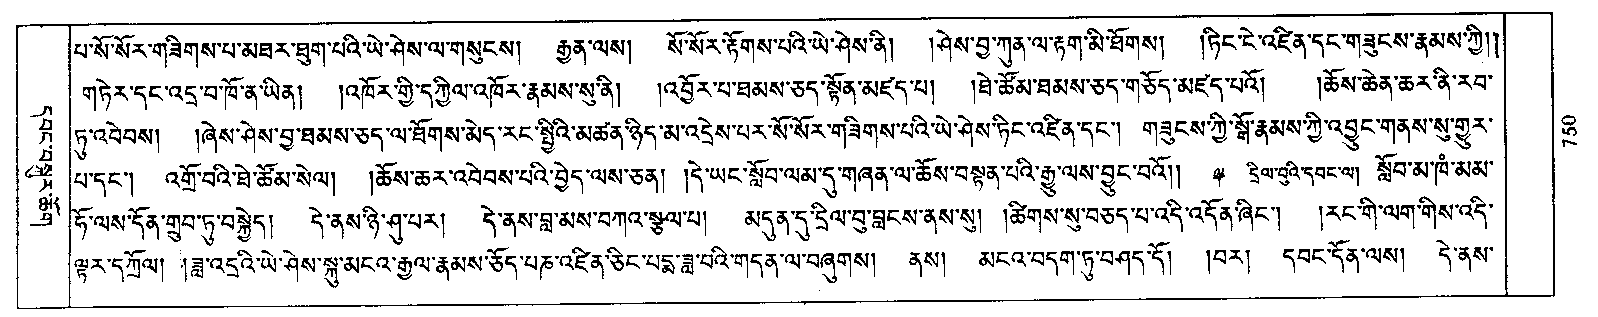པ་སོ་སོར་གཟིགས་པ་མཐར་ཐུག་པའི་ཡེ་ཤེས་ལ་གསུངས། རྒྱན་ལས། སོ་སོར་རྟོགས་པའི་ཡེ་ཤེས་ནི། །ཤེས་བྱ་ཀུན་ལ་རྟག་མི་ཐོགས། །ཏིང་ངེ་འཛིན་དང་གཟུངས་རྣམས་ཀྱི། །
གཏེར་དང་འདྲ་བ་ཁོ་ན་ཡིན། །འཁོར་གྱི་དཀྱིལ་འཁོར་རྣམས་སུ་ནི། །འབྱོར་པ་ཐམས་ཅད་སྟོན་མཛད་པ། །ཐེ་ཚོམ་ཐམས་ཅད་གཅོད་མཛད་པའོ། །ཆོས་ཆེན་ཆར་ནི་རབ་
ཏུ་འབེབས། །ཞེས་ཤེས་བྱ་ཐམས་ཅད་ལ་ཐོགས་མེད་རང་སྤྱིའི་མཚན་ཉིད་མ་འདྲེས་པར་སོ་སོར་གཟིགས་པའི་ཡེ་ཤེས་ཏིང་འཛིན་དང་། གཟུངས་ཀྱི་སྒོ་རྣམས་ཀྱི་འབྱུང་གནས་སུ་གྱུར་
པ་དང་། འགྲོ་བའི་ཐེ་ཚོམ་སེལ། །ཆོས་ཆར་འབེབས་པའི་བྱེད་ལས་ཅན། །དེ་ཡང་སློབ་ལམ་དུ་གཞན་ལ་ཆོས་བསྟན་པའི་རྒྱུ་ལས་བྱུང་བའོ།། ༈དྲིལ་བུའི་དབང་ལ། སློབ་མ་ཁཾ་མམ་
ཧོ་ལས་དོན་གྲུབ་ཏུ་བསྐྱེད། དེ་ནས་ཉི་ཤུ་པར། དེ་ནས་བླ་མས་བཀའ་སྩལ་པ། མདུན་དུ་དྲིལ་བུ་བླངས་ནས་སུ། །ཚིགས་སུ་བཅད་པ་འདི་འདོན་ཞིང་། །རང་གི་ལག་གིས་འདི་
ལྟར་དཀྲོལ། །ཟླ་འདྲའི་ཡེ་ཤེས་སྐུ་མངའ་རྒྱལ་རྣམས་ཅོད་པཎ་འཛིན་ཅིང་པདམ་ཟླ་བའི་གདན་ལ་བཞུགས། ནས། མངའ་བདག་ཏུ་བཤད་དོ། །བར། དབང་དོན་ལས། དེ་ནས་